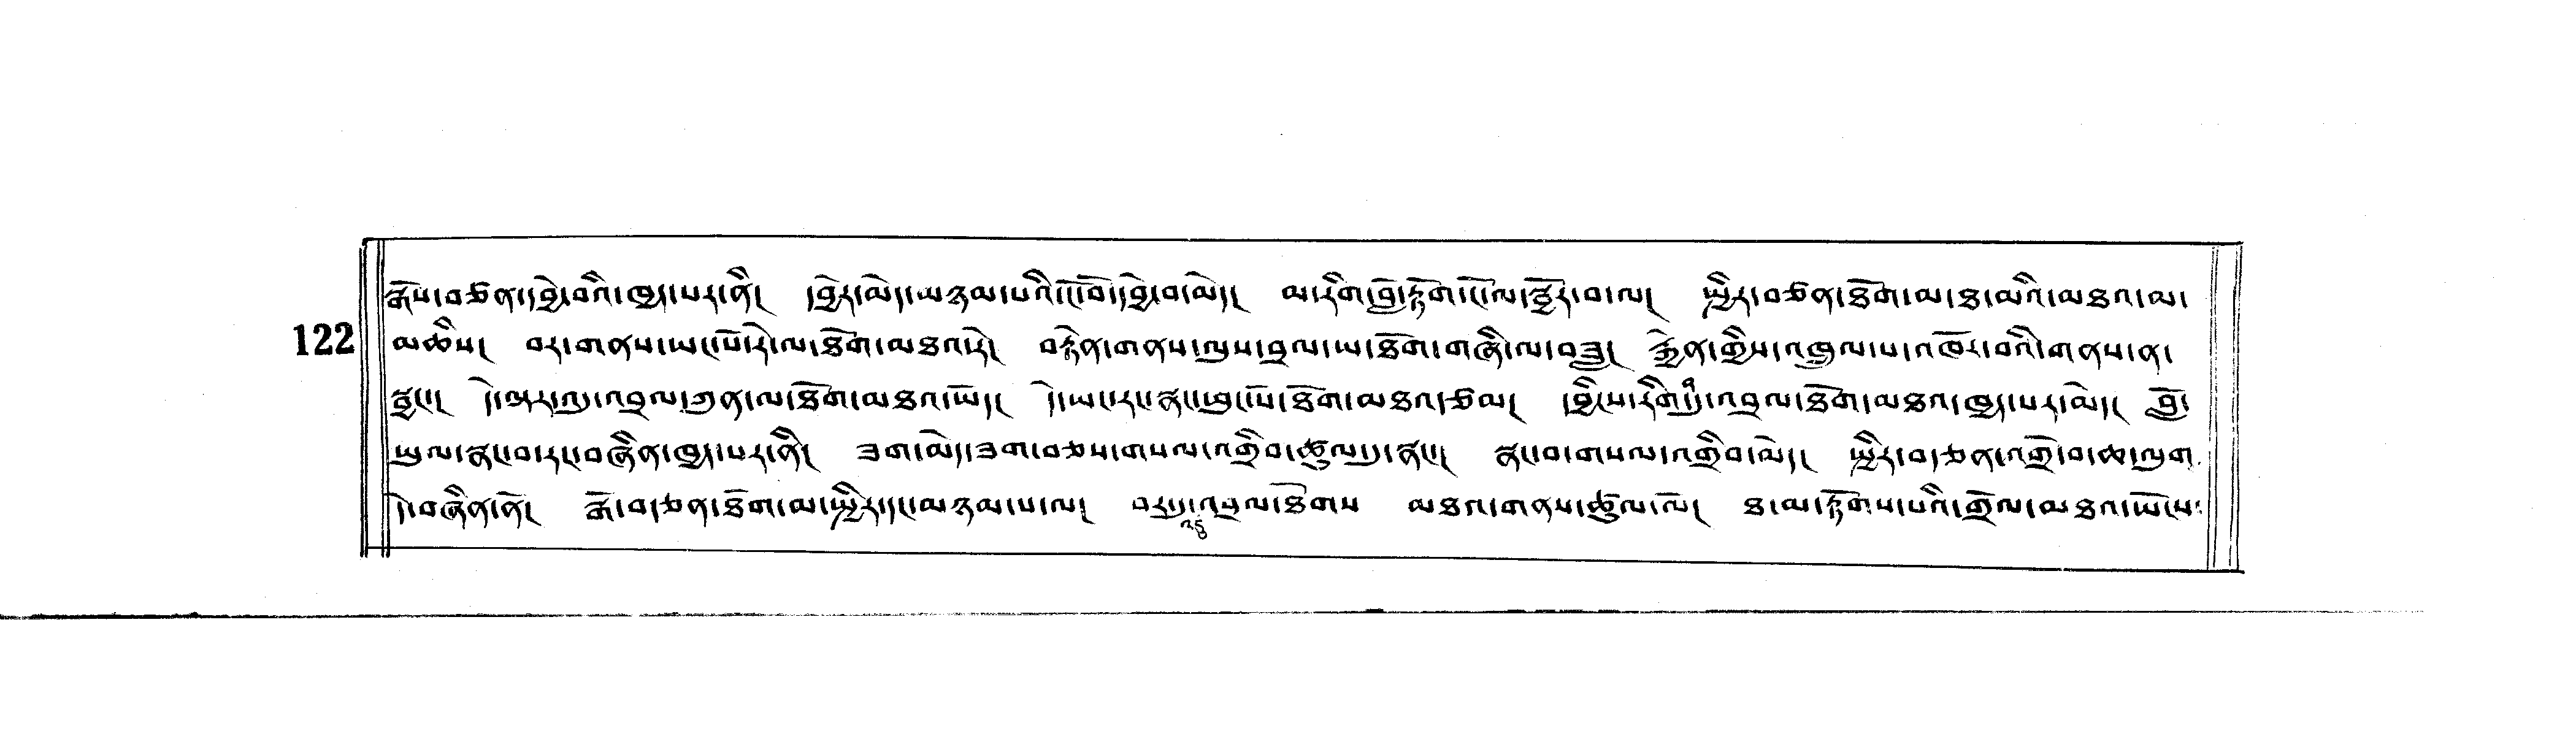སྒོས་བཙན་དབྱེ་བའི་ཁྱད་པར་ནི། དབྱེར་མེད་མཉམ་པའི་ངོ་བོ་དབྱེ་བ་མེད། མ་རིག་བློ་རྟོག་ངོ་ལ་སྦྱོར་བ་ལ། སྤྱིར་བཙན་ཐོག་མ་ཐ་མའི་མཐའ་མ་
མཆིས། བར་གནས་ཡང་པོ་རེ་ལ་ཐོག་མཐའ་རེ། བརྟེན་གནས་ལུས་བྲལ་ཡ་ཐོག་གཞི་ལ་བཟླ། རྐྱེན་གྱིས་འཁྲུལ་པ་འཁོར་བའི་གནས་ན་
སྦྱང་། དེ་ལྟར་འདུ་འབྲལ་ཀུན་ལ་ཐོག་མཐའ་ཡོད། དེ་ཡང་རང་སྣང་ཕུང་པོ་ཐོག་མཐའ་ཙམ། དབྱིངས་རིག་འདུ་འབྲལ་ཐོག་མཐའ་ཁྱད་པར་མེད། བློ་
ཡུལ་སྣང་བ་རང་བཞིན་ཁྱད་པར་ནི། ཟག་མེད་ཟག་བཅས་གསལ་འགྲིབ་ཚུལ་དུ་སྣང་། སྣང་བ་གསལ་འགྲིབ་མེད་༼༽། སྤྱིར་བཙན་འགྲོ་བ་ཆ་ལུགས་
དེ་བཞིན་ནོ། སྒོ་བཙན་ཐོག་མ་སྤྱིར་དང་མཉམ་པ་ལ། བར་དུ་འདུ་འབྲལ་ཐོག་མཐའ་གནས་ཚུལ་ལོ། ཐ་མ་རྟོགས་པའི་གྲོལ་མཐའ་ཡོངས་